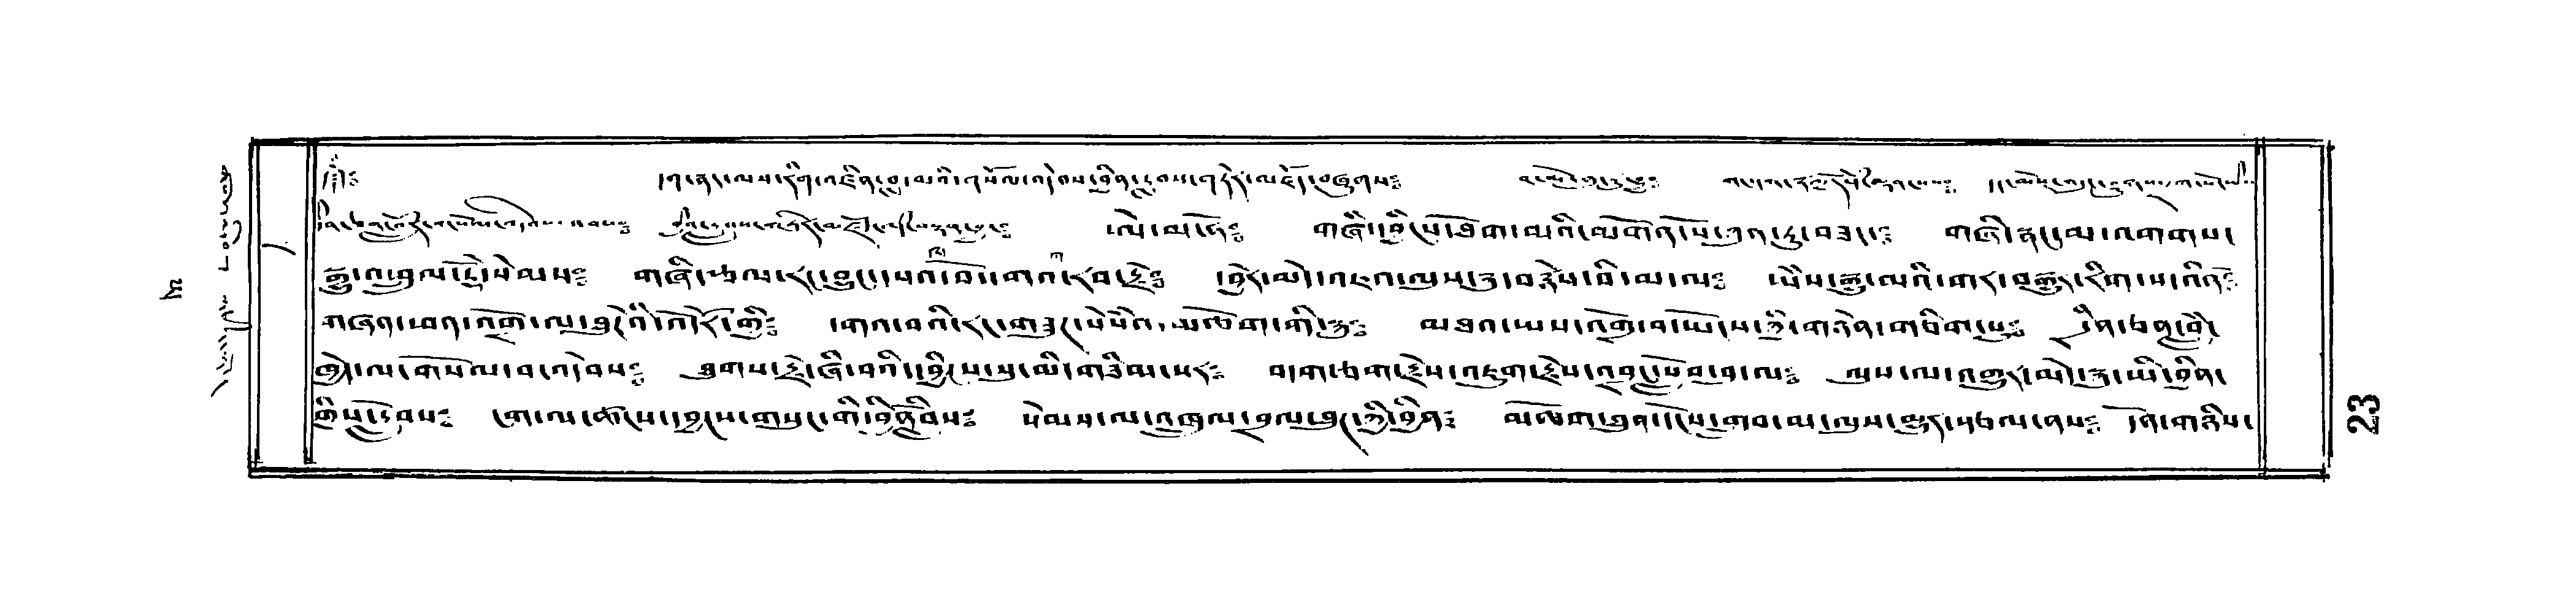དག་སྣང་ལས་རིག་འཛིན་བླ་མའི་གསོལ་འདེབས་བྱིན་རླབས་གཏེར་མཛོད་བཞུགས༔ ན་མོ་གུ་རུ་བྷྱ༔ གང་དག་རྣལ་འབྱོར་དམ་ལྡན་པས༔ དད་མོས་གདུང་ཤུགས་དྲག་པོ་ཡིས༔ 
དྲིན་ཅན་བླ་མར་གསོལ་འདེབས་ཐབས༔ བྱིན་རླབས་གཏེར་མཛོད་འདི་བསྟན་བྱ༔ ཨེ་མ་ཧོ༔ གཞི་དབྱིངས་ཐོག་མའི་མགོན་པོ་ཀུན་ཏུ་བཟང༔ གཞི་སྣང་མ་འགགས་
སྒྱུ་འཕྲུལ་རྡོ་རྗེ་སེམས༔ གཞི་རྩལ་རང་བྱུང་དགའ་རབ་དཔའ་བོ་རྗེ༔ དབྱེར་མེད་འཇའ་ལུས་སྐུ་བརྙེས་བི་མ་ལ༔ ཡེ་ཤེས་སྒྱུ་མའི་གར་བསྒྱུར་རིག་པ་འཛིན༔ 
གཞན་ཕན་འགྲོ་ལ་ཐུགས་རྗེའི་འོད་ཟེར་གྱི༔ དགའ་བའི་རང་གཟུགས་སེམས་དཔའ་མཆོག་གི་སྐུ༔ མཐའ་ཡས་འགྲོ་བ་ཡོངས་ཀྱི་གཉེན་གཅིག་པུ༔ དྲིན་ཅན་བླ་མ་
ཁྱེད་ལ་གསོལ་བ་འདེབས༔ ཐུགས་རྗེ་ཞི་བའི་དབྱིངས་སུ་མི་གཟིམ་པར༔ བདག་ཅག་རྗེས་འཇུག་རྗེས་འབྲང་སློབ་བུ་ལ༔ ལུས་ལ་འགྱུར་མེད་སྐུ་ཡིས་བྱིན་
གྱིས་རློབས༔ ངག་ལ་ཚངས་དབྱངས་གསུང་གི་བྱིན་གྱིས་རློབས་༔ སེམས་ལ་འཁྲུལ་བྲལ་ཐུགས་ཀྱི་བྱིན་གྱིས་རློབས༔ མཆོག་ཐུན་དངོས་གྲུབ་མ་ལུས་མྱུར་སྩལ་ནས༔ དོན་གཉིས་